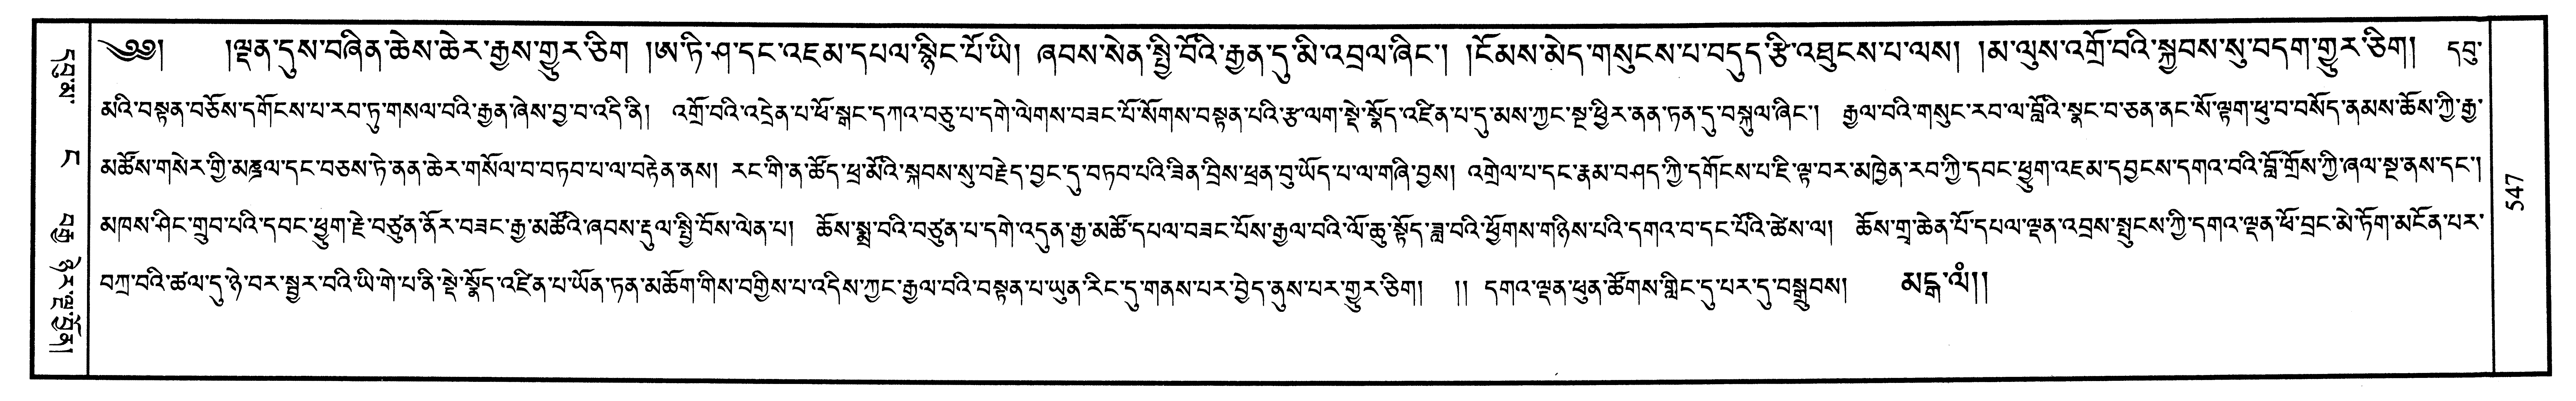༄༅། །ལྡན་དུས་བཞིན་ཆེས་ཆེར་རྒྱས་གྱུར་ཅིག །ཨ་ཏི་ཤ་དང་འཇམ་དཔལ་སྙིང་པོ་ཡི། ཞབས་སེན་སྤྱི་བོའི་རྒྱན་དུ་མི་འབྲལ་ཞིང་། །ངོམས་མེད་གསུངས་པ་བདུད་རྩི་འཐུངས་པ་ལས། །མ་ལུས་འགྲོ་བའི་སྐྱབས་སུ་བདག་གྱུར་ཅིག། དབུ་
མའི་བསྟན་བཅོས་དགོངས་པ་རབ་ཏུ་གསལ་བའི་རྒྱན་ཞེས་བྱ་བ་འདི་ནི། འགྲོ་བའི་འདྲེན་པ་ཕོ་སྒང་དཀའ་བཅུ་པ་དགེ་ལེགས་བཟང་པོ་སོགས་བསྟན་པའི་རྩ་ལག་སྡེ་སྣོད་འཛིན་པ་དུ་མས་ཀྱང་སྔ་ཕྱིར་ནན་ཏན་དུ་བསྐུལ་ཞིང་། རྒྱལ་བའི་གསུང་རབ་ལ་བློའི་སྣང་བ་ཅན་ནང་སོ་ལྟག་ཕུ་བ་བསོད་ནམས་ཆོས་ཀྱི་རྒྱ་
མཚོས་གསེར་གྱི་མཎྜལ་དང་བཅས་ཏེ་ནན་ཆེར་གསོལ་བ་བཏབ་པ་ལ་བརྟེན་ནས། རང་གི་ན་ཚོད་ཕྲ་མོའི་སྐབས་སུ་བརྗེད་བྱང་དུ་བཏབ་པའི་ཟིན་བྲིས་ཕྲན་བུ་ཡོད་པ་ལ་གཞི་བྱས། འགྲེལ་པ་དང་རྣམ་བཤད་ཀྱི་དགོངས་པ་ཇི་ལྟ་བར་མཁྱེན་རབ་ཀྱི་དབང་ཕྱུག་འཇམ་དབྱངས་དགའ་བའི་བློ་གྲོས་ཀྱི་ཞལ་སྔ་ནས་དང་།
མཁས་ཤིང་གྲུབ་པའི་དབང་ཕྱུག་རྗེ་བཙུན་ནོར་བཟང་རྒྱ་མཚོའི་ཞབས་རྡུལ་སྤྱི་བོས་ལེན་པ། ཆོས་སྨྲ་བའི་བཙུན་པ་དགེ་འདུན་རྒྱ་མཚོ་དཔལ་བཟང་པོས་རྒྱལ་བའི་ལོ་ཆུ་སྟོད་ཟླ་བའི་ཕྱོགས་གཉིས་པའི་དགའ་བ་དང་པོའི་ཚེས་ལ། ཆོས་གྲྭ་ཆེན་པོ་དཔལ་ལྡན་འབྲས་སྤུངས་ཀྱི་དགའ་ལྡན་ཕོ་བྲང་མེ་ཏོག་མངོན་པར་
བཀྲ་བའི་ཚལ་དུ་ཉེ་བར་སྦྱར་བའི་ཡི་གེ་པ་ནི་སྡེ་སྣོད་འཛིན་པ་ཡོན་ཏན་མཆོག་གིས་བགྱིས་པ་འདིས་ཀྱང་རྒྱལ་བའི་བསྟན་པ་ཡུན་རིང་དུ་གནས་པར་བྱེད་ནུས་པར་གྱུར་ཅིག། །།དགའ་ལྡན་ཕུན་ཚོགས་གླིང་དུ་པར་དུ་བསྒྲུབས། མངྒ་ལཾ།།